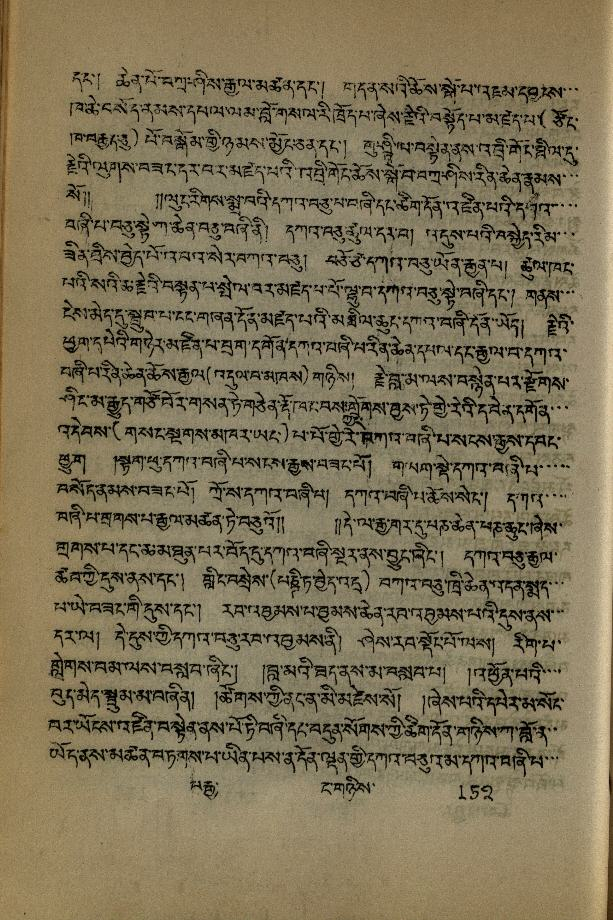དང་། ཆེན་པོ་བཀྲ་ཤིས་རྒྱལ་མཚན་དང་། གདན་སའི་ཆོས་སྒོ་པ་འཇམ་དབྱངས་
ཁ་ཆེ་བསོད་ནམས་དཔལ་ལམ་བློ་གསལ་རི་ཁྲོད་པ་ཞེས་རྗེའི་བསྟོད་པ་མཛད་པ་ཙོང་
ཁ་བརྒྱད་ཅུ་པོ་བསྒོམ་གྱི་ཉམས་མྱོང་ཅན་དང་། གུ་ཤྲཱི་པ་བསྟེན་ནས་འབྲི་གོང་ཐིལ་དུ་
རྗེའི་ལུགས་བཟང་དར་བར་མཛད་པའི་འབྲི་གོང་ཆོས་སྒོ་བ་བཀྲ་ཤིས་རིན་ཆེན་རྣམས་
སོ།། །།ལུང་རིགས་སྨྲ་བའི་དཀའ་བཅུ་པ་བཞི་དང་ཚིག་དོན་འཛིན་པའི་དགའ་
བཞི་པ་བཅུ་སྟེ་ཀ་ཆེན་བཅུ་བཞི་ནི། དཀའ་བཅུ་ཚུལ་དར་བ། འདུས་པའི་བསྐྱེད་རིམ་
ཟིན་བྲིས་བྱེད་པོ་འབའ་སེར་བཀའ་བཅུ། བཅོ་རྩ་དཀའ་བཅུ་ཡོན་རྒྱན་པ། ཚུལ་ཁང་
པའི་སའི་ཆ་རྗེའི་བསྟན་པ་སྤེལ་བར་མཛད་པ་པོ་ལྷུ་བ་དཀའ་བཅུ་སྟེ་བཞི་དང་། གནས་
ངེས་མེད་དུ་སྒྲུབ་པ་ངང་གཞན་དོན་མཛད་པའི་མཐིལ་ཆུང་དཀའ་བཞི་དོན་ཡོད། རྗེའི་
ཕྱག་དཔེའི་གཉེར་མཛིན་པ་བྲག་དགོན་དཀའ་བཞི་པ་རིན་ཆེན་དཔལ་དང་རྒྱལ་བ་དཀའ་
བཞི་པ་རིན་ཆེན་ཆོས་རྒྱལ་འདུལ་བ་མཁས་གཉིས། རྗེ་བླ་མ་ལས་བསྙེན་པར་རྫོགས་
ཤིང་མ་རྒྱུད་གཙོ་བོར་གསན་ཏེ་གཅེན་རྡོ་ཁང་བས་ཀྱང་གྲོགས་བྱས་ཏེ་གྱེ་རེའི་དབེན་དགོན་
འདེབས་་གསང་སྔགས་མཁར་ཡང་པ་པོ་གྱེ་རེ་བཀའ་བཞི་པ་སངས་རྒྱས་དབང་
ཕྱུག །སྟག་ཕུ་དཀའ་བཞི་པ་སངས་རྒྱས་བཟང་པོ། གཡག་སྡེ་དཀའ་བཞི་པ་
བསོད་ནམས་བཟང་པོ། གྲོ་ས་དཀའ་བཞི་པ། དཀའ་བཞི་པ་ཆོས་སེང་། དཀའ་
བཞི་པ་གྲགས་པ་རྒྱལ་མཚན་ཏེ་བཅུའོ།། །།དེ་ལ་རྒྱ་གར་དུ་པཎ་ཆེན་པཎ་ཆུང་ཞེས་
གྲགས་པ་དང་ཆ་མཐུན་པར་བོད་དུ་དགའ་བཞི་སྔར་ནས་བྱུང་ཞིང་། དཀའ་བཅུ་རྒྱལ་
ཚབ་ཀྱི་དུས་ནས་དང་། གླིང་བསྲེས་པཎྜི་ཏ་བྱེད་འདྲ་བཀའ་བཅུ་ཁྲི་ཆེན་འདན་སྨད་
པ་ཡེ་བཟང་གི་དུས་དང་། རབ་འབྱམས་པ་བྱམས་ཆེན་རབ་འབྱམས་པའི་དུས་ནས་
དར་ལ། དེ་དུས་ཀྱི་དཀའ་བཅུ་རབ་འབྱམས་ནི། ཤེས་རབ་སྡོང་པོ་ལས། རིག་པ་
གླེགས་བམ་ལས་བསླབ་ཞིང་། །བླ་མའི་ཐད་ནས་མ་བསླབ་པ། །འཕྱོན་པའི་
བུད་མེད་སྦྲུམ་མ་བཞིན། །ཚོགས་ཀྱི་ནང་ན་མི་མཛེས་སོ། །ཞེས་པའི་དཔེར་མ་སོང་
བར་ཡོངས་འཛིན་བསྟེན་ནས་པོ་ཏི་བཞི་དང་བདུན་སོགས་ཀྱི་ཚིག་དོན་གཉིས་ཀ་བློ་ན་
ཡོད་ནས་མཚན་བཏགས་པ་ཡིན་པས་ན་དོན་ལྡན་གྱི་དཀའ་བཅུའམ་དཀའ་བཞི་པ་